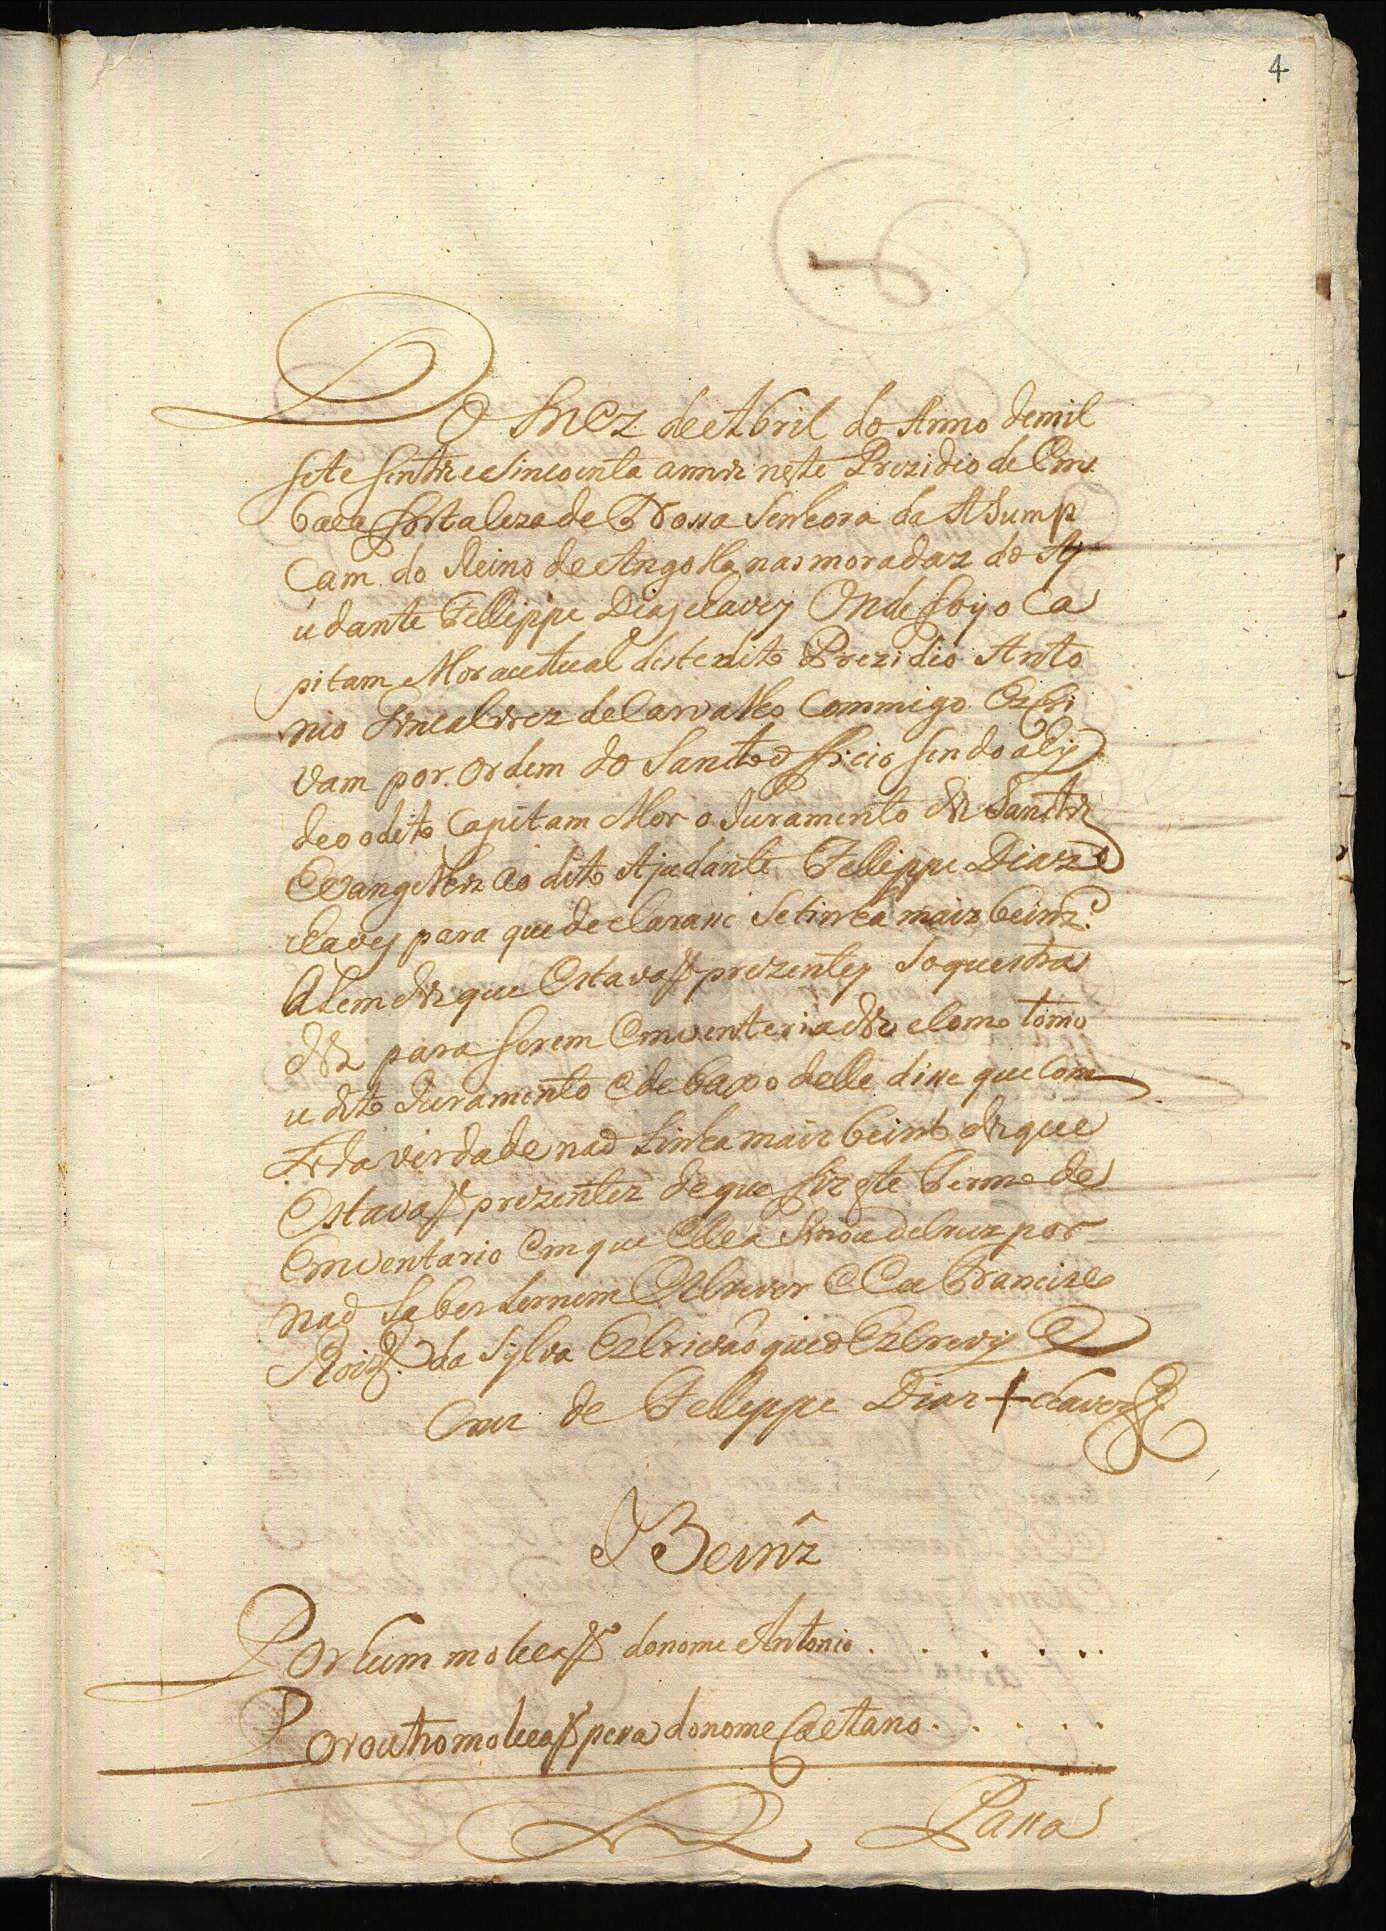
Do Mez de Abril do Anno de mil
setesentos e sincoenta annos neste Prezidio de Em
baca fortaleza de Nossa Senhora da ASump
Çam do Reino de Angolla nas moradaz do Aj
udante Fellippe Dias chaves Onde foy o Ca
pitam Mor autual deste dito Prezidio Anto
nio Gonçalvrez de Carvalho Commigo EzCri
vam por ordem do Sancto officio sendo ahy
deo o dito Capitam Mor o Iuramento dos Sanctos
Evangelhos ao dito Ajudante Fellippe Diaz
chaves para que declarasse se tinha maiz beinz.
Alem dos que Estavaõ prezentes soquestra
dos para serem emventeriados e Como tomo
u dito Iuramento e debaxo delle disse que com
toda verdade naõ tinha maiz beins dos que
Estavaõ prezentez de que fiz este Termo de
Emventario em que Elle asinou de Cruz por
naõ saber Ler nem EsCrever E Eu Francisco
Roiz̄ da Sylva EsCrivaõ que o EsCrevy
Cruz de Fellippe Diaz + chavez
Beinz̄
Por hum molecaõ do nome Antonio
Por outro molecaõ pessa do nome Caetano.
Passa
